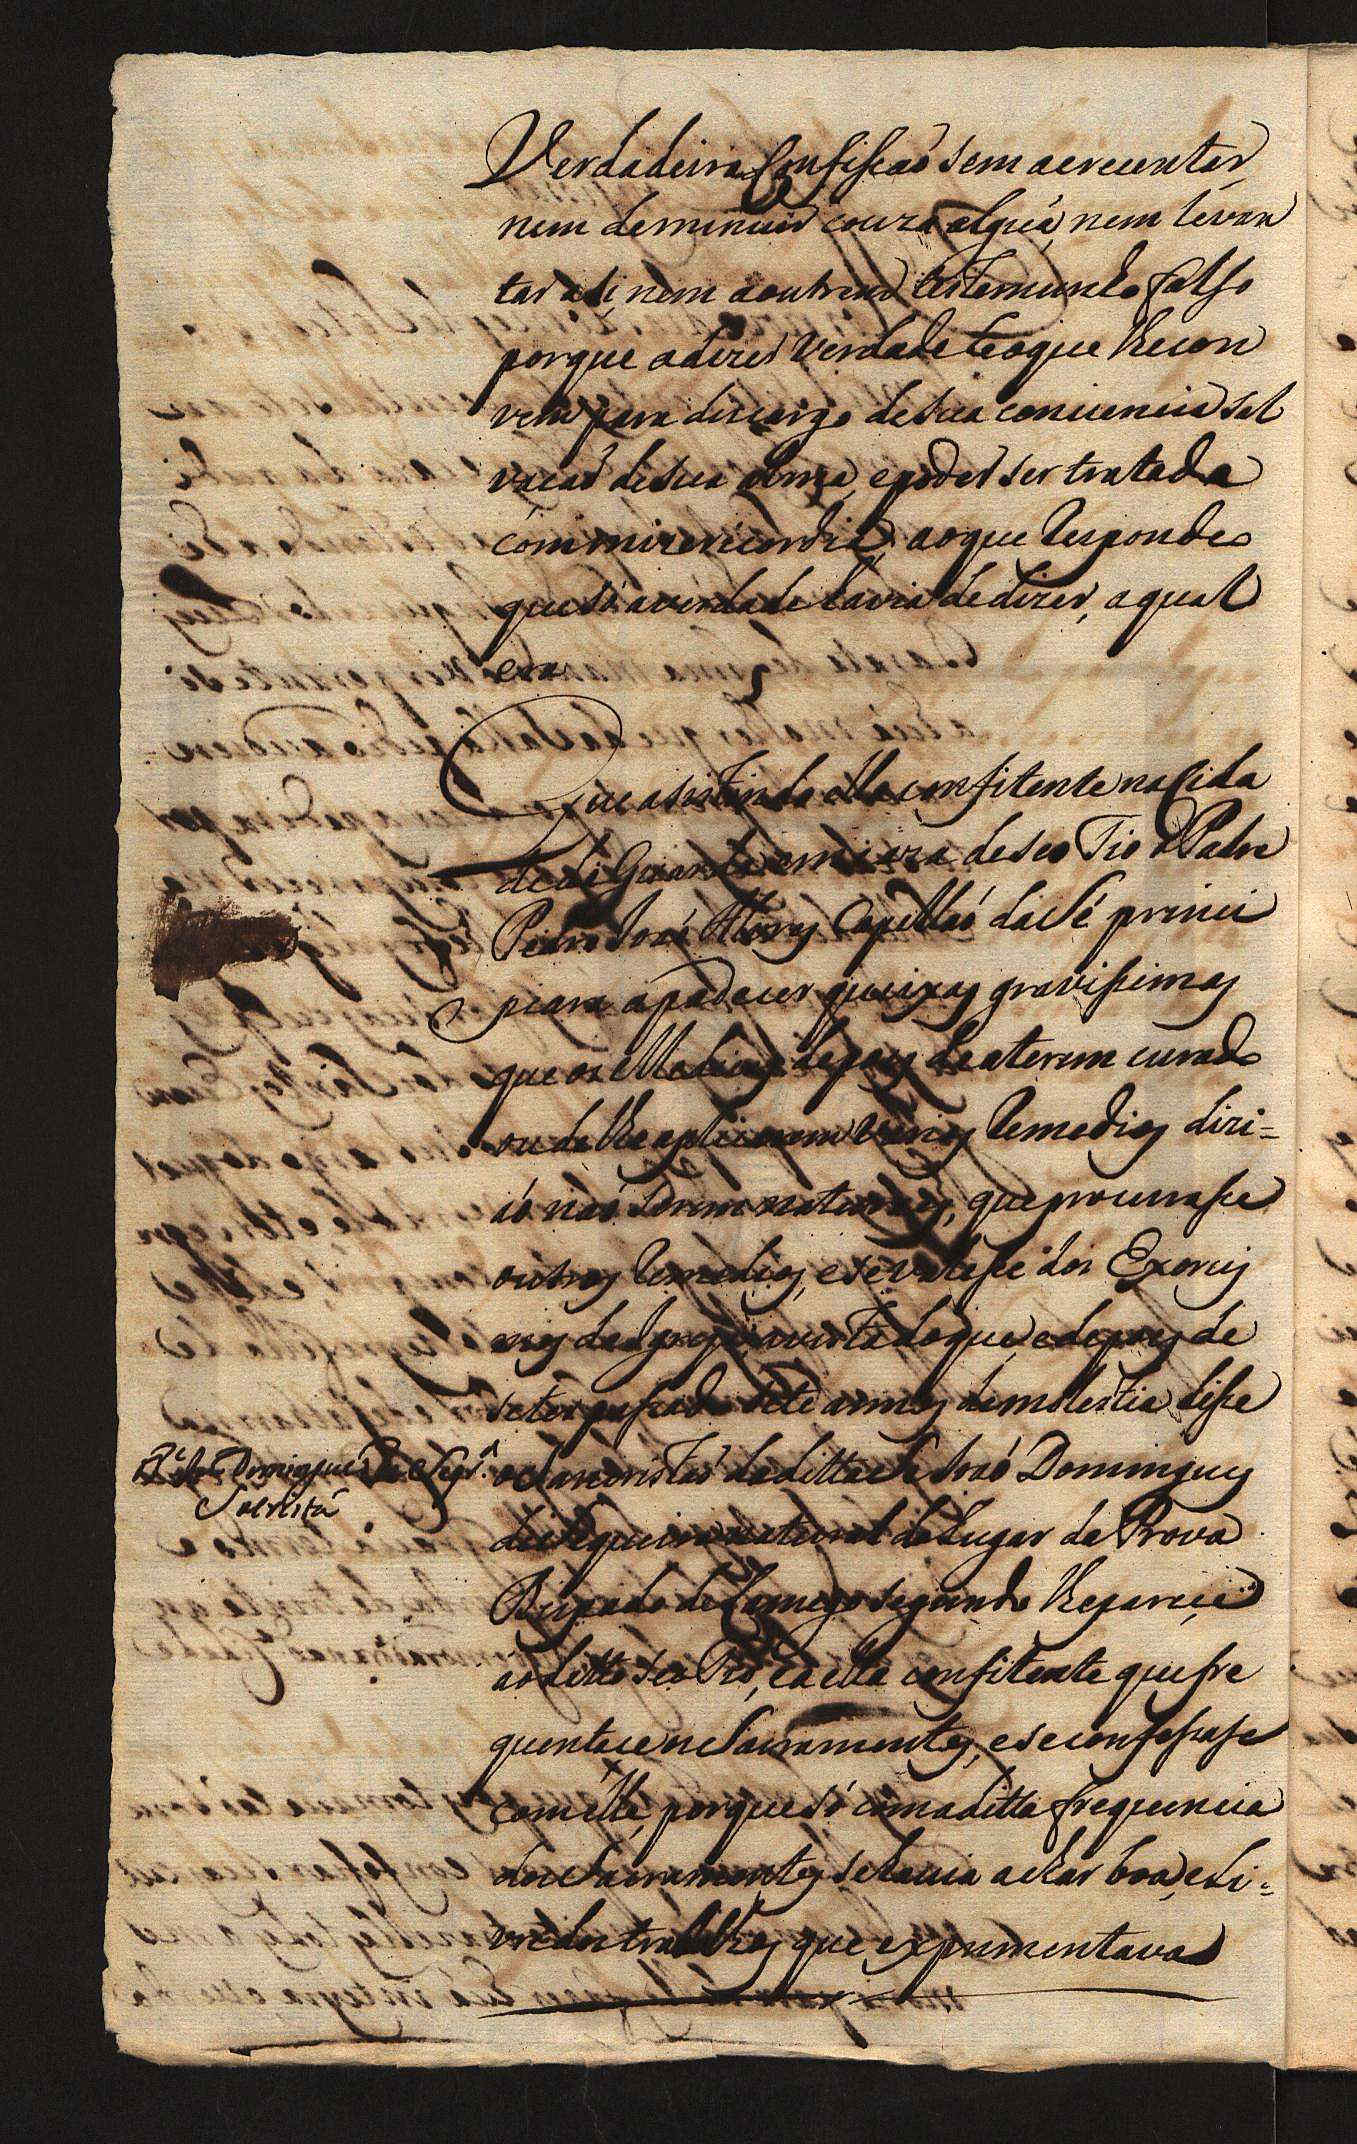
Verdadeira Confissaõ sem acrecentar
nem deminuir couza alguā, nem levan
tar a si, nem a outrem testemunho falso
porque a dizer verdade he o que lhe con
vem para descargo de sua conciencia sal
vaçaõ de sua alma, e poder ser tratada
com mizericordia, ao que Respondeo
que só a verdade havia de dizer, a qual
era
Que asistindo ella confitente na Cida
de da Guarda em caza de seo Tio o Padre
Pedro Iozé Alvres Capellaõ da Sé princi
piara a padecer queixas gravissimas
que os Medicos depois de a terem curado
ou de lhe aplicarem varios Remedios dizi
aõ naõ serem naturaes, que procurasse
outros Remedios, e se valesse dos Exorcis
mos de Igreja a vista do que, e depois de
se ter passado sete annos de molestia disse
O Pe Io Domingues da Seqr.a
o Sancristaõ da ditta Se Ioaõ Domingues
Sacristā
de Sequeira natural do Lugar da Prova
Bispado de Lamego segundo lhe parece
ao ditto seo Tio, e a ella confitente que fre
quentace os Sacramentos, e se confessase
com elle, porque só com a ditta frequencia
dos Sacramentos se hauia achar boa, e Li
vre dos trabalhos que exprimentava
